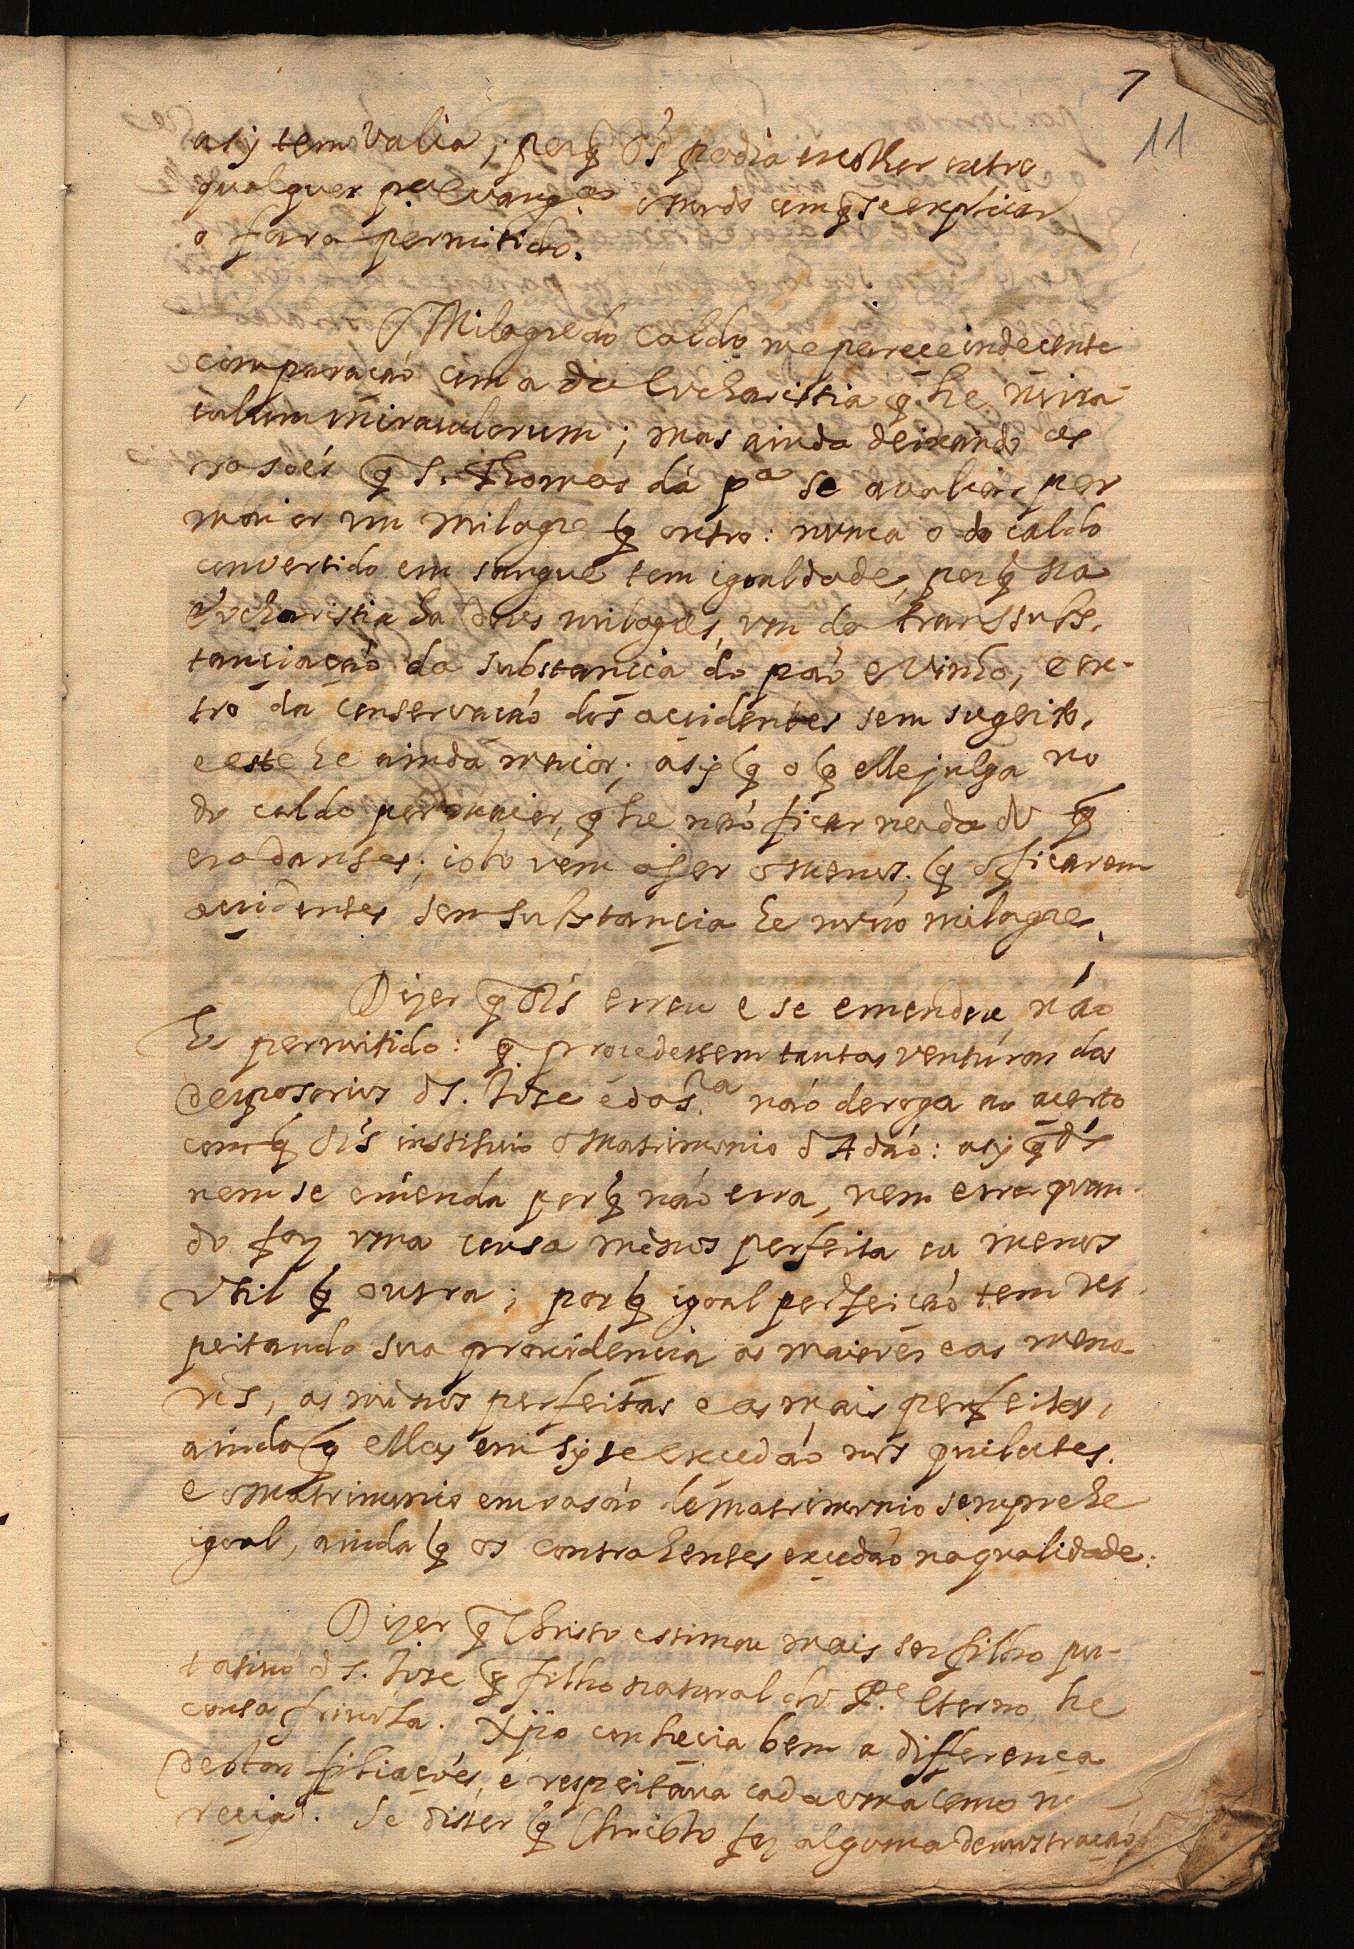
7
asy tem valia, porq̄ Ds̄ podia escolher outro
qualquer p.a evang.a o modo com q̄ se explicar
o fora permitido.
O Milagre do caldo me parece indecente
comparaçaõ com a da Evcharistia q̄ he mira
culum miraculorum; mas ainda deixando as
rasoẽs q̄ S. Thomas dá pa se aualiar por
maior vm milagre q̄ outro: nunca o do caldo
convertido em sangue tem igoaldade, porq̄ na
Evcharistia ha dous milagres, vm da transsubs
tanciaçaõ da substancia do paõ e vinho, e ou
tro da conservaçaõ dos accidentes sem sugeito,
e este he ainda maior; asy q̄ o q̄ elle julga no
do caldo per maior, q̄ he naõ ficar nada do q̄
era dantes; isto vem a ser o menos; q̄ o ficarem
accidentes sem substancia he mero milagre
Dizer q̄ Ds̄ errou e se emendou, não
he permitido: q̄ procedessem tantas venturas dos
desposorios d s. Ioze e da s.ra naõ deroga no acerto
com q̄ Ds̄ instituio o matrimonio d Adaõ: asy q̄ ds̄
nem se em̄enda porq̄ naõ erra, nem erra quan
do faz uma cousa menos perfeita ou menos
vtil q̄ outra; porq̄ igoal perfeiçaõ tem res
peitando sua prouidencia as maiores e as meno
res, as menos perfeitas e as mais perfeitas
ainda q̄ ellas em sy se excedaõ nos quilates
e o matrimonio em rasão de matrimonio sempre he
igoal, ainda q̄ os contrahentes excedaõ na qualidade.
Dizer q̄ Christo estimou mais ser filho pu
tatiuo d S. Iose q̄ filho natural do P.e Eterno he
cousa friuola. Xpō conhecia bem a differença
destas filiaçoẽs, e respeitaua cada vma como n
reciaõ. Se disser q̄ Christo fez alguma demostraçaõ
